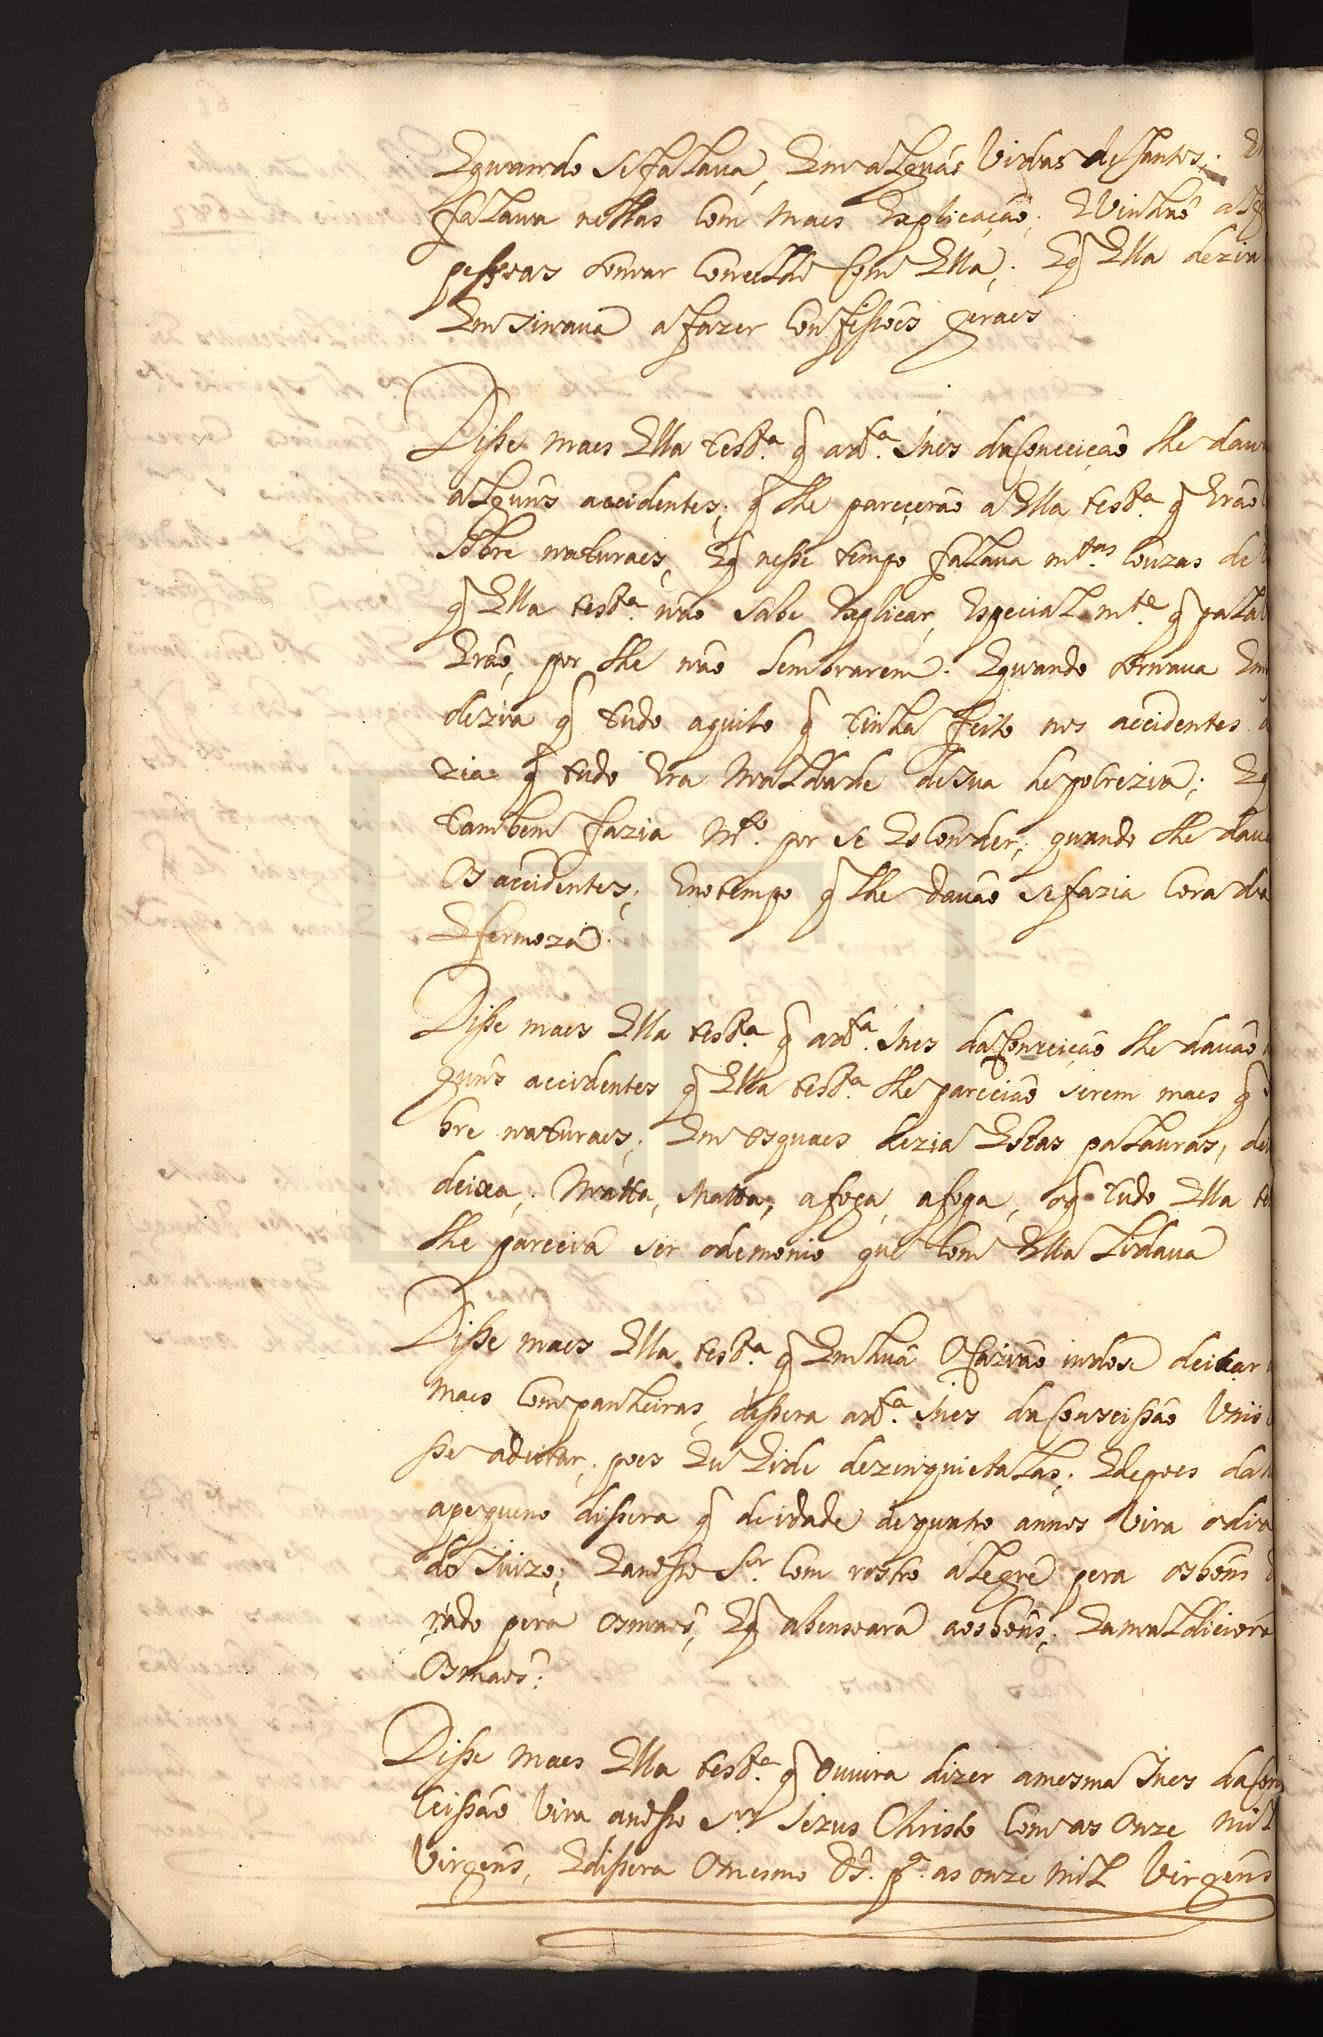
E quando se falaua, Em alguas̄ Vidas de Santos; E
falaua nellas com mais Explicaçaõ, E vinhaõ alg
pessoas tomar Concelho Com Ella; E q̄ Ella dezia
Emsinaua a fazer confissoẽs geraes
Disse mais Ella test.a q̄ a d.a Innes da Conceiçaõ lhe daua
alguns acccidentes, q̄ lhe pareceraõ a Ella test.a q̄ Eraõ
sobrenaturaes, E q̄ nesse tempo falaua m.tas couzas de
q̄ Ella test.a naõ sabe Explicar, Especialm.te q̄ pala
Eraõ, por lhe não lembrarem. E quando tornaua Em
dezia q̄ tudo aquilo q̄ tinha feito nos accidentes
zia q̄ tudo Era maldade de sua hipocrezia; E
tambem fazia m.to por se EsConder, quando lhe daua
Os accidentes, E no tempo q̄ lhe dauaõ se fazia Corada
E fermoza.
Disse mais Ella test.a q̄ a d.a Ines da Conceiçaõ lhe dauaõ
guns accidentes q̄ Ella test.a lhe pareciaõ serem mais q̄
brenaturaes, Em os quaes dezia Estas palauras, de
deixa, Matta, Matta, afoga, afoga, o q̄ tudo Ella te
lhe parecia ser o demonio que Com Ella Lidaua
Disse mais Ella test.a q̄ Em huā OCaziaõ indose deitar
mais Companheiras, dissera a d.a Ines da Conseissão Vnis
sse adeitar, poes Eu Eide dezinquietalas, E depoes da
a pequeno dissera q̄ de idade de quatro annos vira o dia
do Iuizo, E a nosso S.or Com rostro alegre pera os bons
rado pera os maos, E q̄ abensoara aos bons, E amaldiciora
Os maos.
Disse maes Ella test.a q̄ ouuira dizer a mesma Ines da Con
Ceissaõ vira a nosso s.or Iezus Christo com as onze mil
Virgens, E dissera O mesmo Ds̄ p.a as onze mil Virgens
